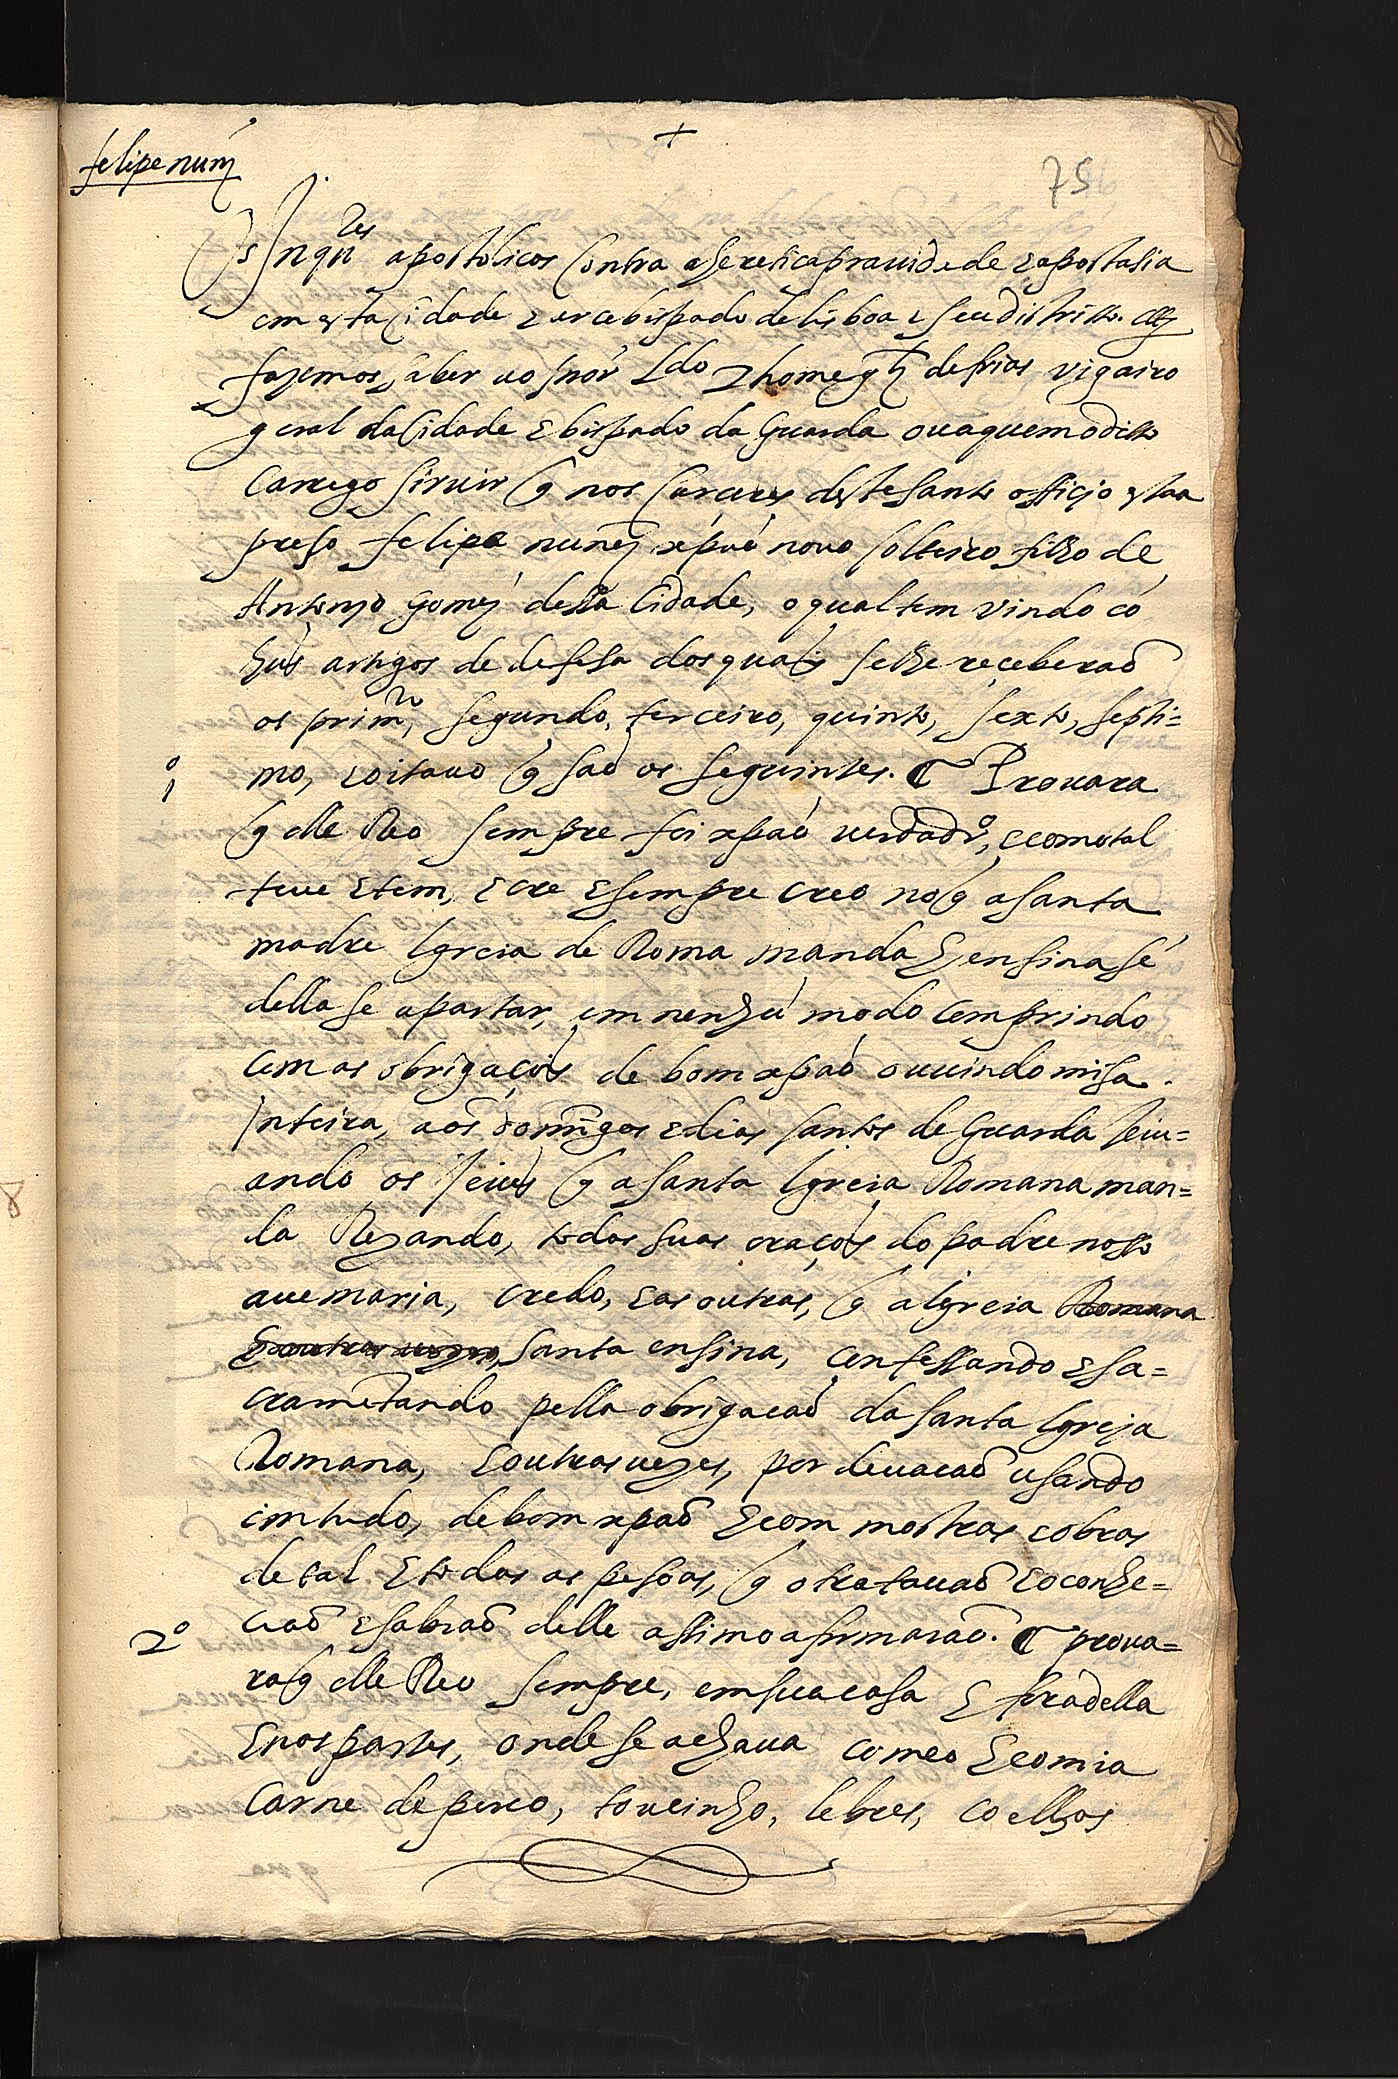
felipe nunz̄
Os Jnqures apostolicos Contra a heretica prauidade E apostasia
em esta Cidade E arcebispado de lisboa e seu distritto ettꝭ
fazemos saber ao snor̄ Ldo Thome ḡlz de frias vigairo
geral da Cidade E bispado da Guarda ou a quem o ditto
carrego Siruir q̄ nos Carçeres deste Santo officjo estaa
preso felipe nunez xpaõ nouo solteiro filho de
Antonjo Gomez dessa cidade, o qual tem vindo cō
hus̄ artigos de defesa dos quais se lhe reçeberaõ
os primro, segundo, terceiro, quinto, sexto, septi
mo, E oitauo q̄ saõ os seguintes. ¶ Prouara
q̄ elle Reo sempre foi xpaõ uerdadro, e como tal
teue E tem, E cre E sempre creo no q̄ a Santa
madre Igreia de Roma manda E ensina sē
della se apartar, em nenhū modo comprindo
com as obrigaçoĩs de bom xpaõ ouuindo misa
Jnteira, aos domīgos E dias santos de Guarda Jeiu
ando os Jeiūs q̄ a Santa Igreia Romana man
da Rezando, todas suas oraçoĩs do padre nosso
aue maria, credo, E as outras, q̄ a Igreia Romana
E outras uezes, Santa ensina, confessando E sa
cramētando pella obrigacaõ da Santa Igreja
Romana, E outras uezes, por deuacaõ usando
em tudo, de bom xpaõ E com mostras E obras
de tal E todas as pesoas, q̄ o tratauaõ E o conhe
ciaõ E sabiaõ delle assim o afirmaraõ. ¶ proua
ra q̄ elle Reo sempre, em sua casa E fora della
E nas partes, onde se achaua comeo E comia
carne de porco, toucinho, lebres, coelhos
